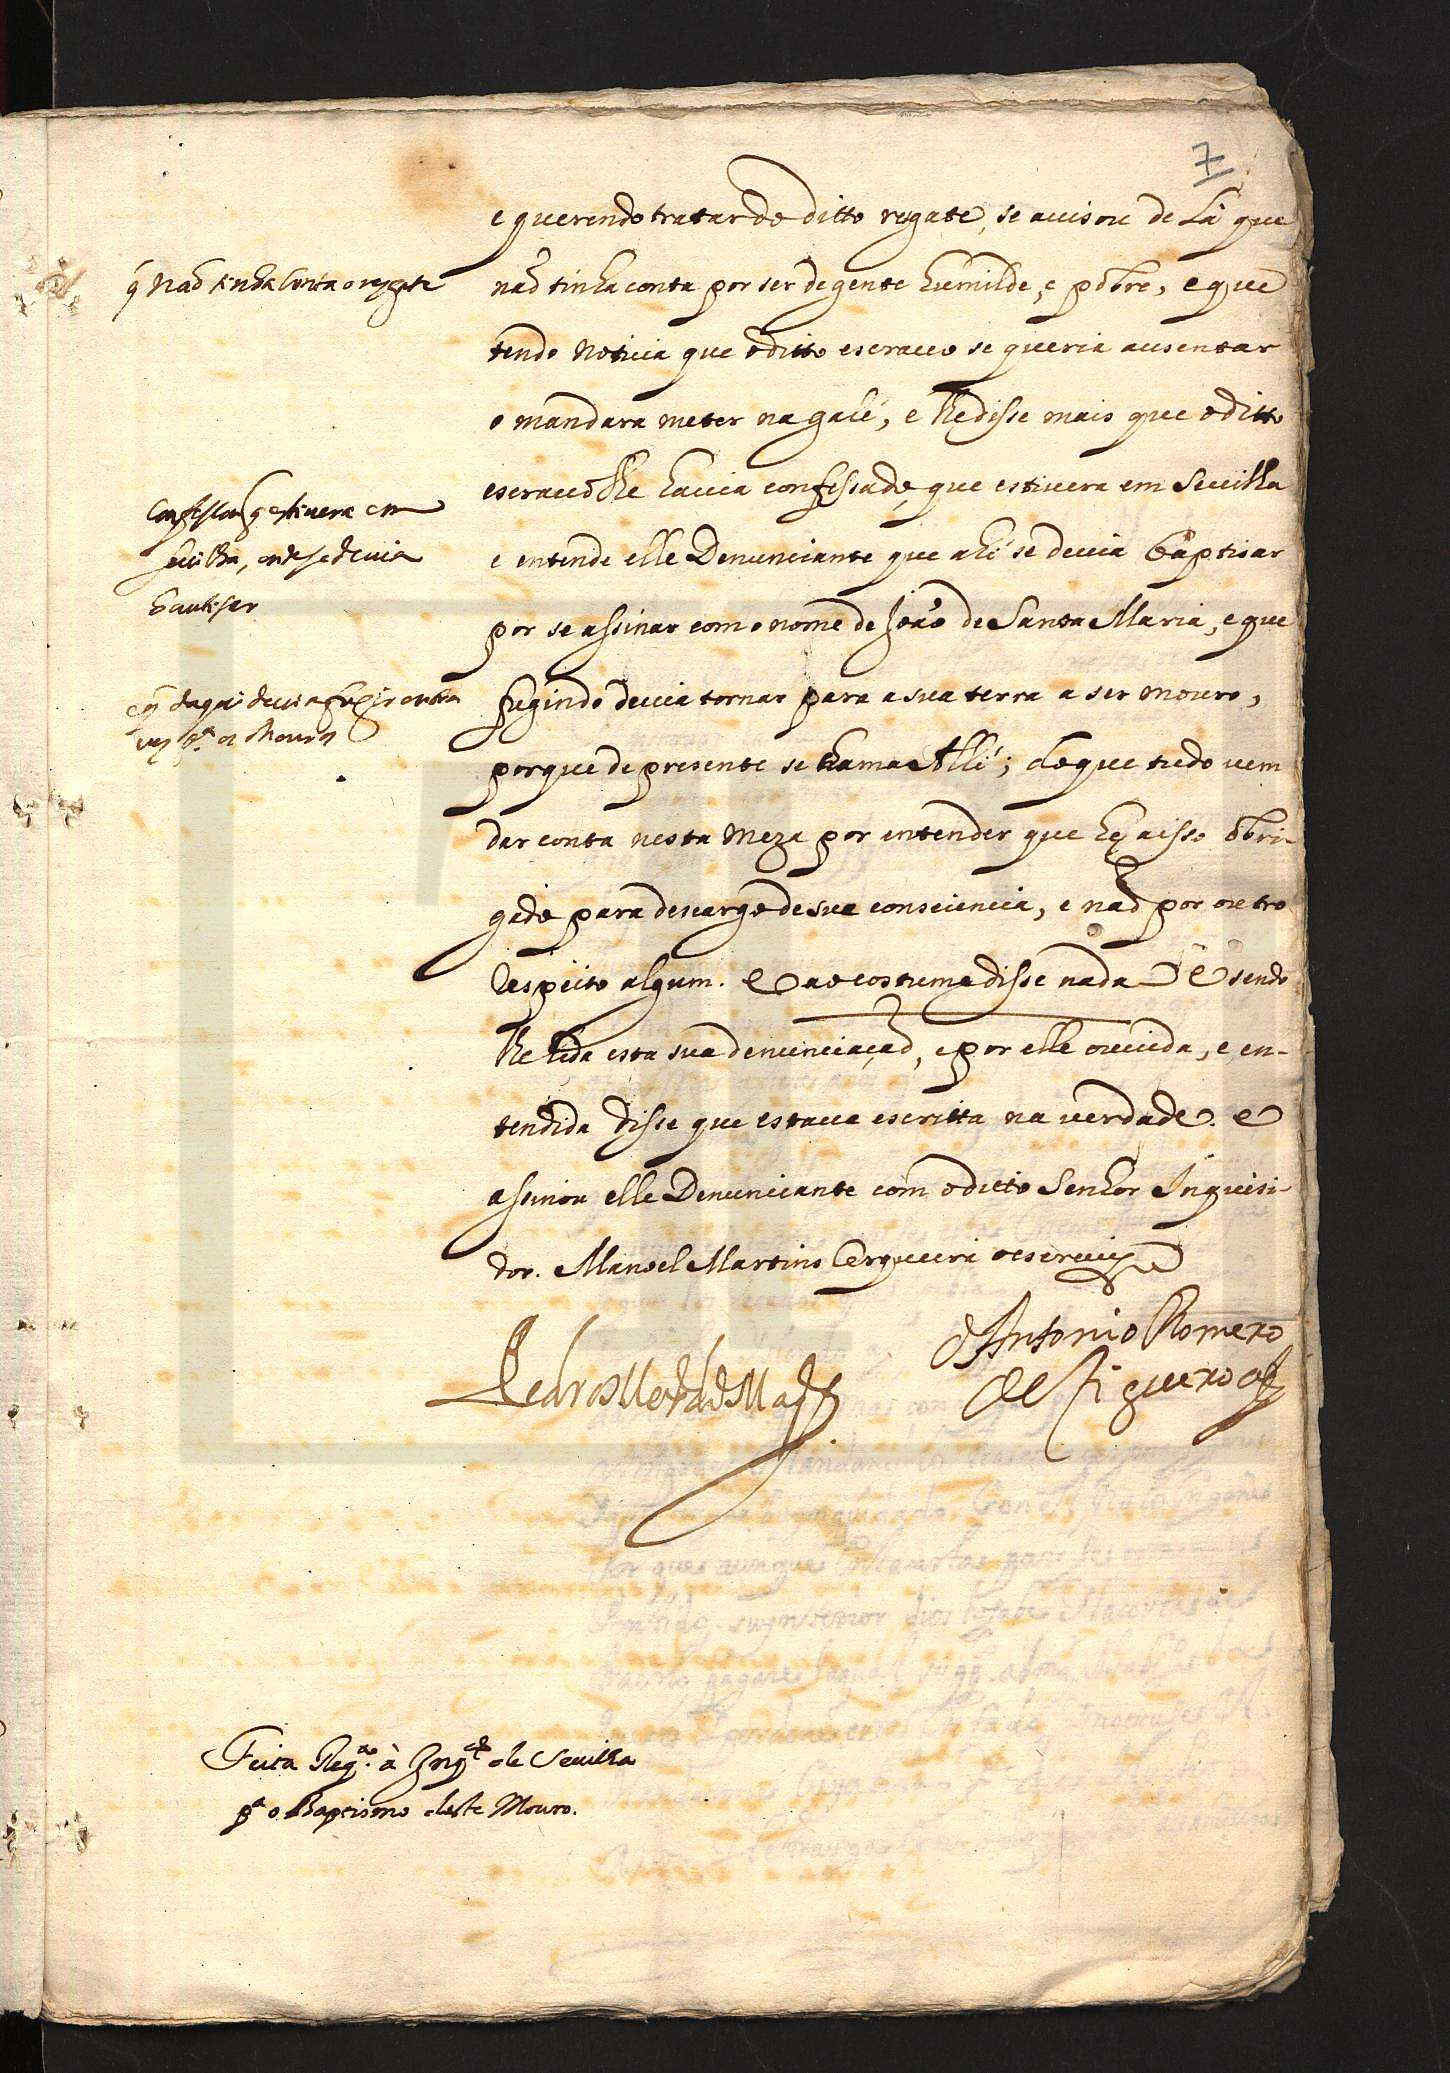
e querendo tratar do ditto resgate, se auisou de Là que
naõ tinha conta por ser de gente humilde, e pobre, e que
tendo noticia que o ditto escrauo se queria ausentar
o mandara meter na galé, e lhe disse mais que o ditto
escrauo lhe hauia confessado, que estiuera em Seuilha
e entende elle Denunciante que ahi se deuia baptisar
por se assinar com o nome de Joaõ de Santa Maria, e que
fugindo deuia tornar para a sua terra a ser mouro,
porque de presente se chama Alli; do que tudo uem
dar conta nesta meza por entender que he a isso obri
gado para descargo de sua consciencia, e naõ por outro
Respeito algum. E ao costume disse nada – e sendo
lhe lida esta sua denunciaçaõ, e por elle ouuida, e en
tendida disse que estaua escritta na uerdade e
assinou elle Denunciante com o ditto Senhor Inquisi
dor. Manoel Martins Cerqueira o escreuj
Feita Req.to à Jnqção de Seuilha
pa o Baptismo deste Mouro.
